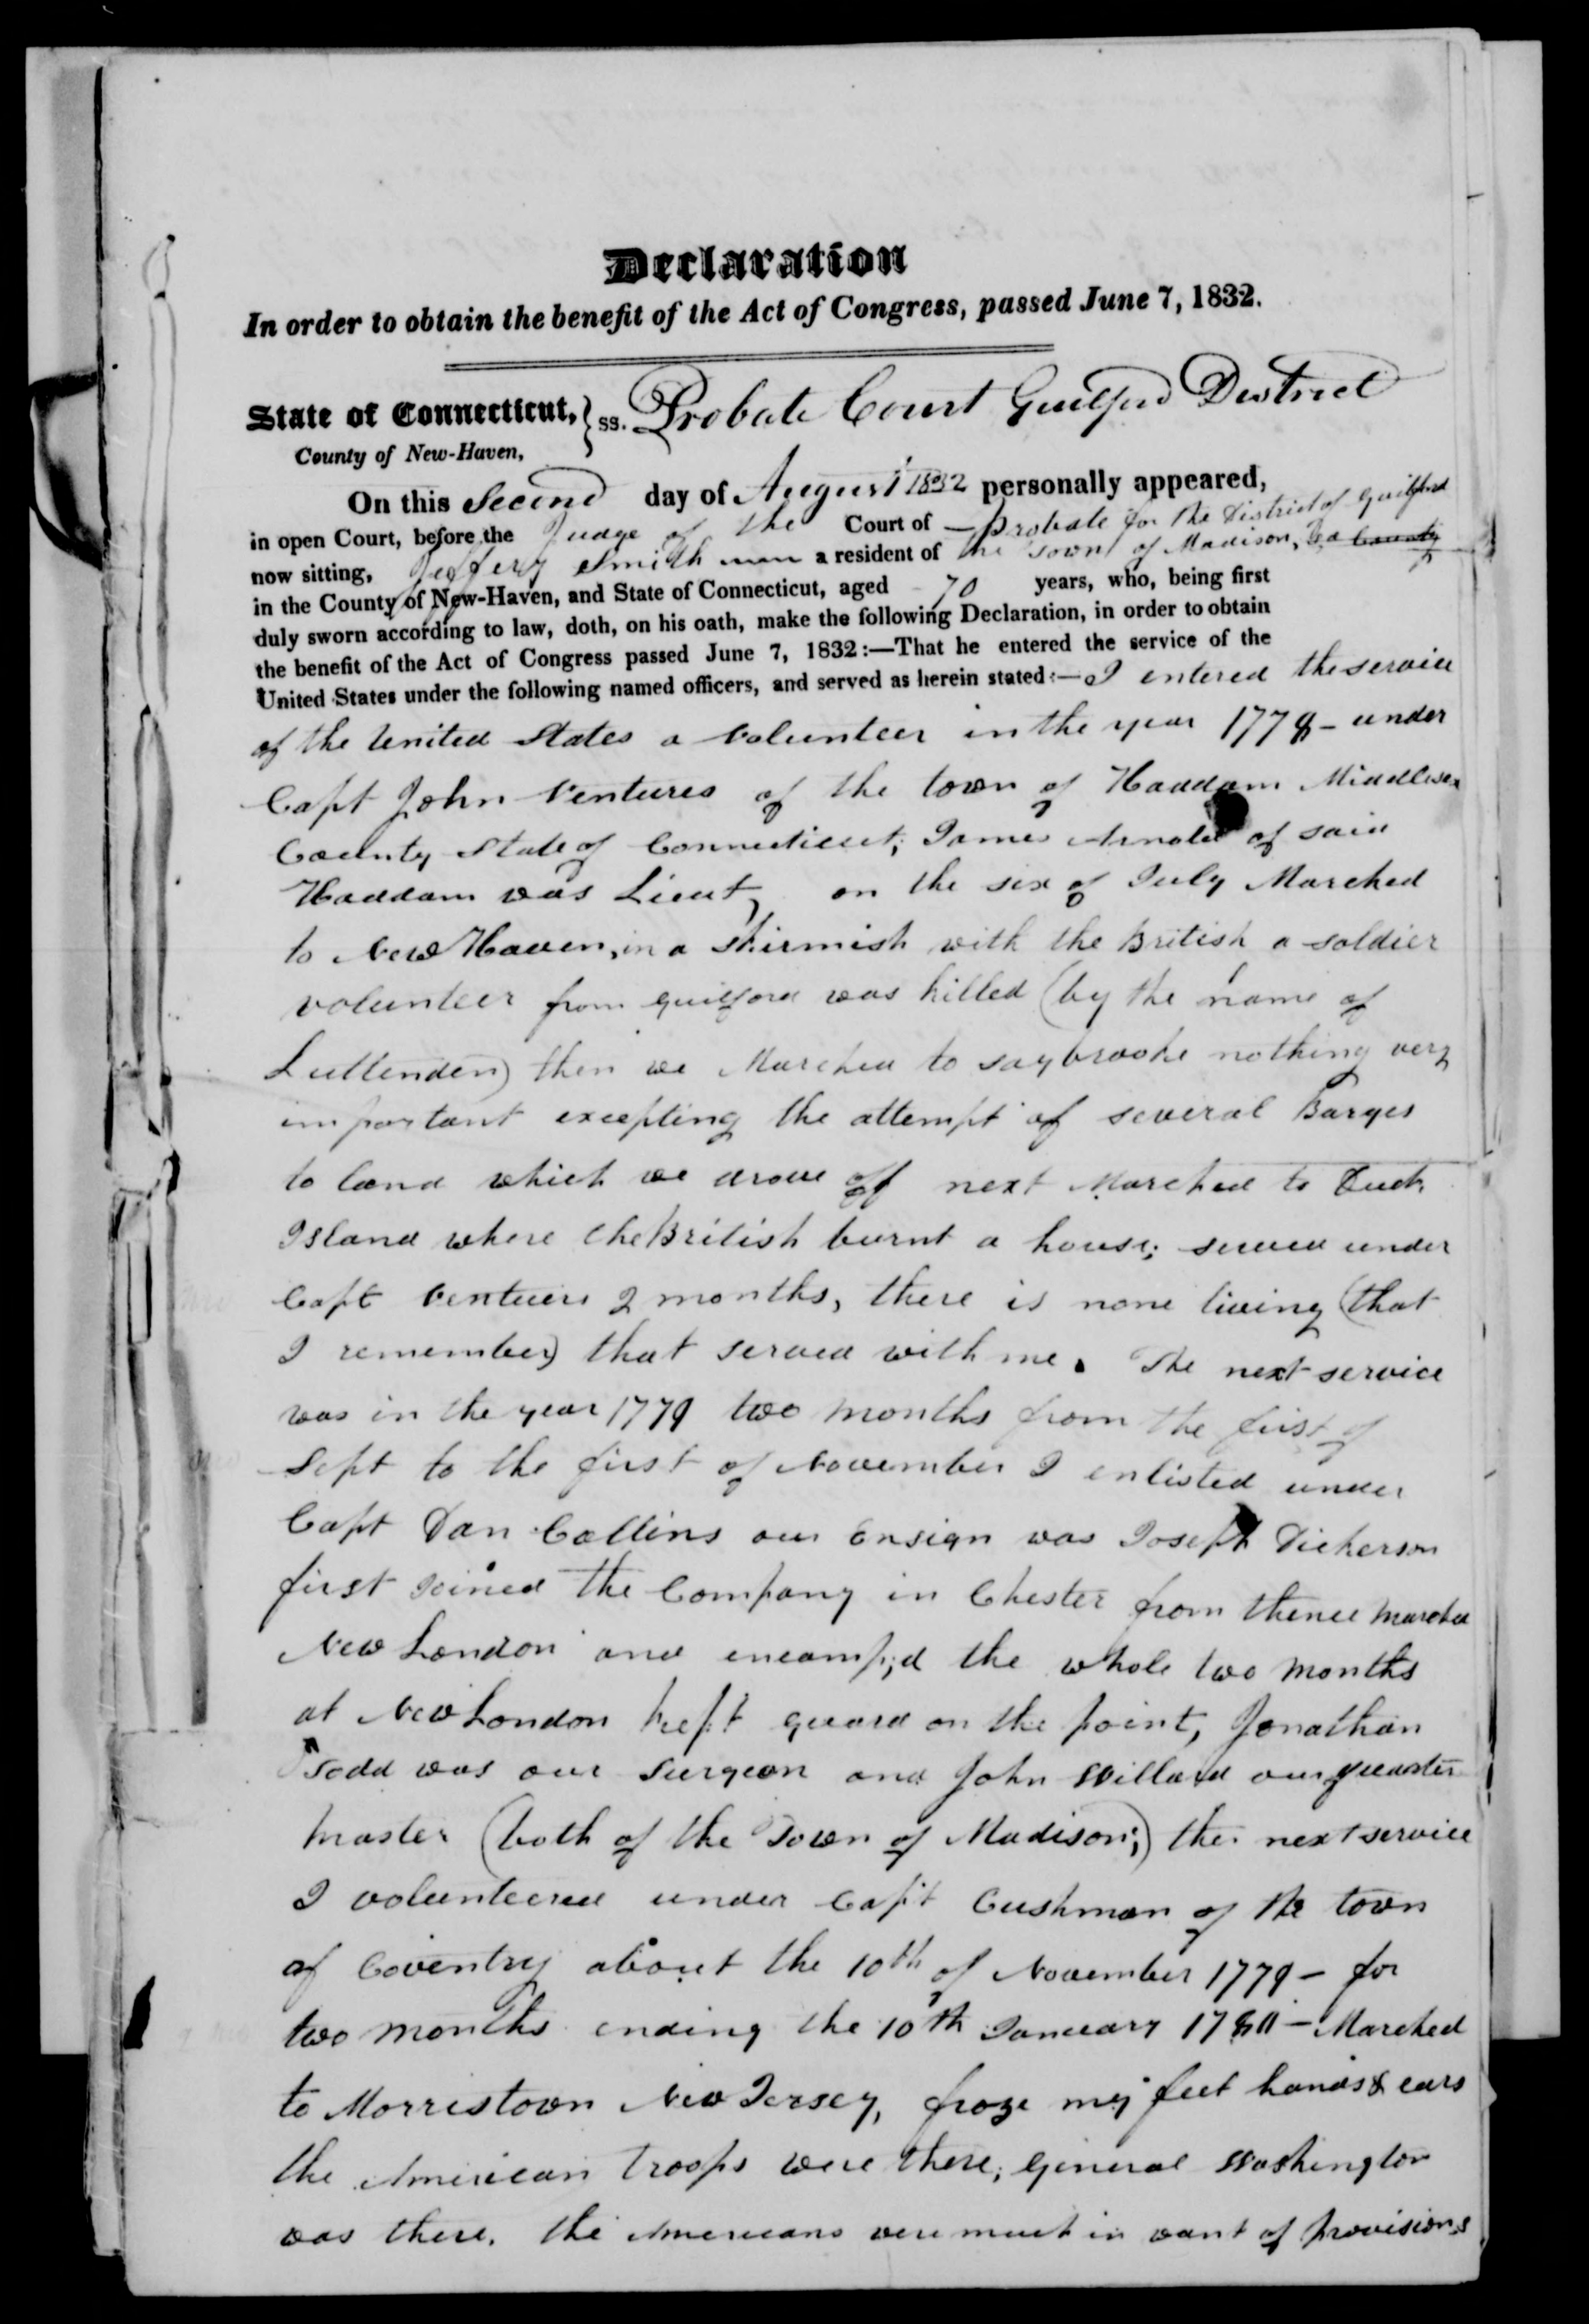Declaration
In order to obtain the benefit of the Act of Congress, passed June 7, 1832.
[line]
State of Connecticut County of New-Haven,} ss. Probate Court Guilford District

On this second day of August 1832 personally appeared, in open Court, before the Judge of the Court of Probate for the District of Guildford now sitting, Jeffery Smith, a resident of the Town of Madison, in the County of New-Haven, and State of Connecticut, aged 70 years, who, being first duly sworn according to law, doth, on his oath, make the following Declaration, in order to obtain the benefit of the Act of Congress passed June 7, 1832. That he entered the service of the United States under the following named officers, and served as herein stated: I entered the service
of the United States a volunteer in the year 1778 - under Capt John Ventures of the town of Haddam Middlesex County State of Connecticut, James Arnold of said Haddam was Lieut, on the six of July Marched
to New Haven, in a skirmish with the British a soldier volunteer from Guilford was killed (by the name of Luttenden) then we marched to saybrook nothing very important excepting the attempt of several Barges to land which we drove off next Marched to Luch[unclear].
Island where the British burnt a house; served under Capt Ventuers 2 months, there is none living (that I remember) that served with me. The next service was in the year 1779 two months from the first of Sept to the first of November I enlisted under Capt Dan Collins our Ensign was Joseph Dickerson first joined the Company in Chester from thence marched
New London and encamped the whole two months at New London kept guard on the point, Jonathan Isodd was our Surgeon and John Willams our quarter master (both of the Town of Madison;) the next service
I volunteered under Capt Cushman of the town of Coventry about the 10th of November 1779 - for two months ending the 10th January 1781 - Marched to Morristown New Jersey, froze my feet hands + ears the American troops were there. General Washington was there, the Americans were much in want of provisions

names: John Willard; James Arnold; [BLANK] Ventuers; Jonathan Todd; [BLANK] Luttenden; Joseph Dickerson; John Ventures; [BLANK] Washington; [BLANK] Cushman; Jeffery Smith; Dan Collins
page: 7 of 19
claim: survivor's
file: S. 16250, for Jeffery Smith, Connecticut